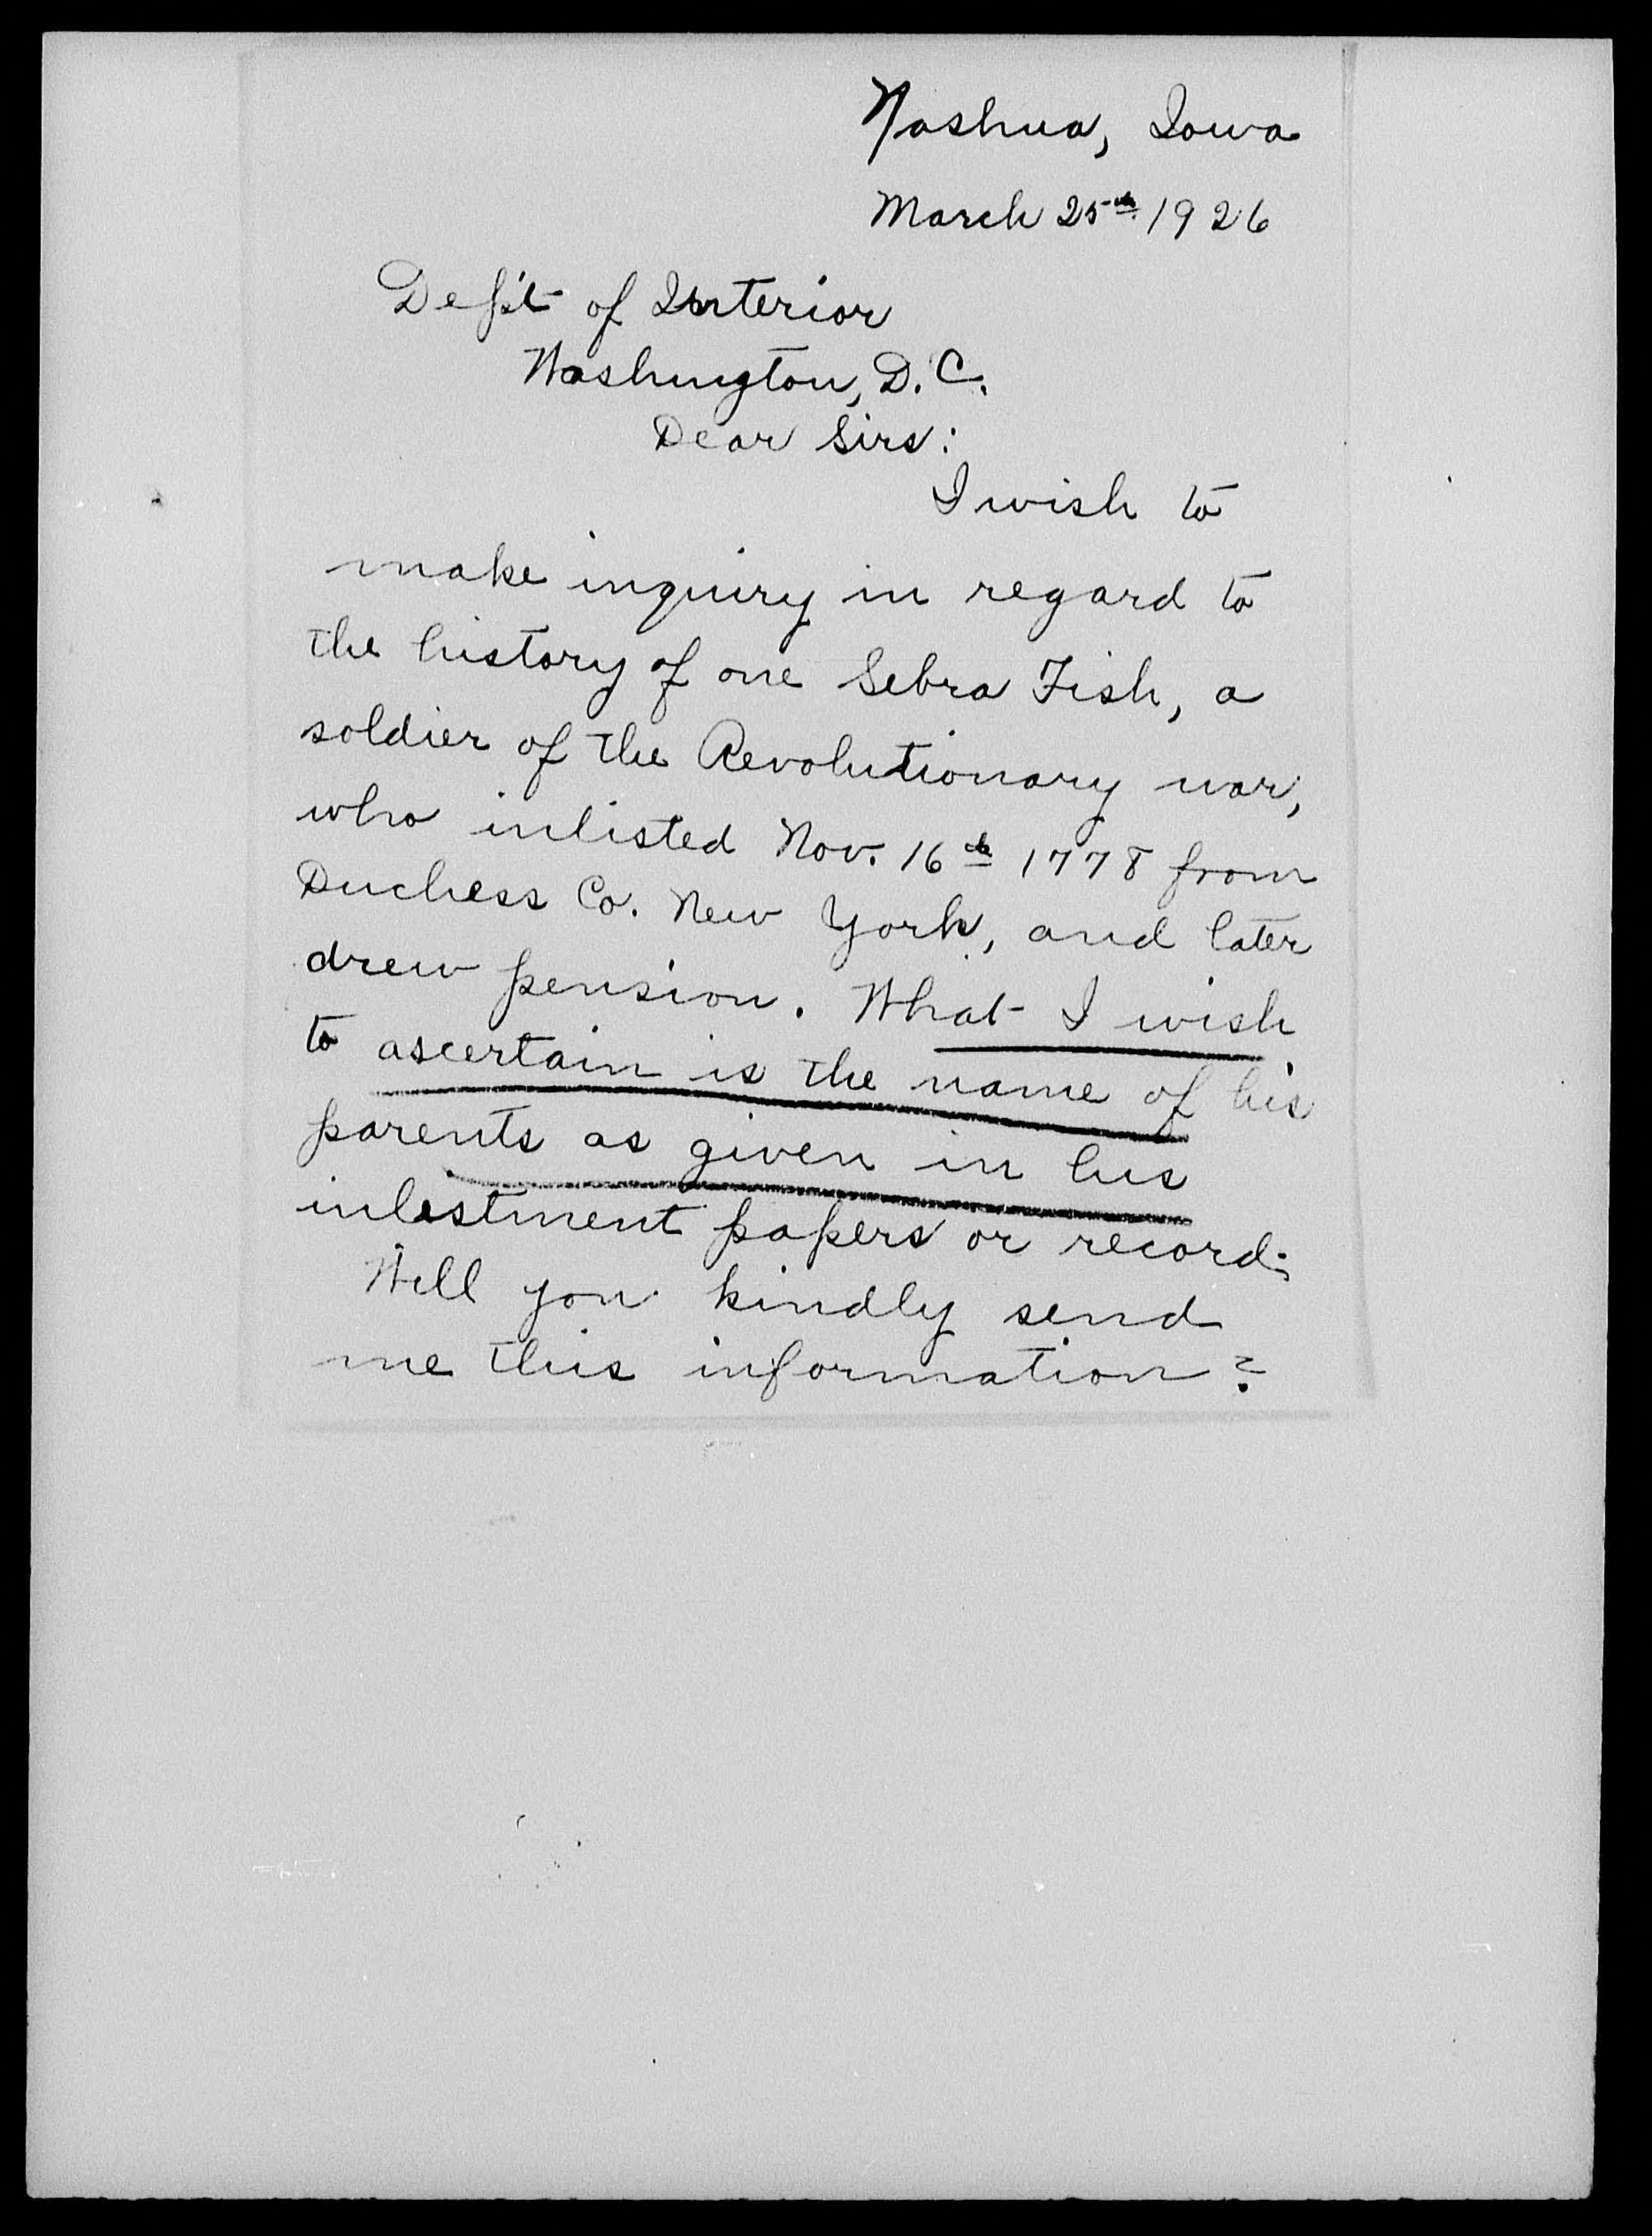[Handwritten letter]

Nashua [or Noshua], Iowa
March 25th, 1926

Dep't of Interior
Washington, D.C.
Dear Sirs:

I wish to make inquiry in regard to the history of one Sebra Fish, a soldier of the Revolutionary war, who inlisted Nov. 16th 1778 from Duchess [Dutchess] Co. New York, and later drew pension.  [Here most of the next 15 words have been underlined with what looks to have been a grease pencil:]  What- I wish to ascertain is the name of his parents as given in his [here the underlining ended] inlistment papers or record:

Will you kindly send me this information?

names: Sebra Fish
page: 20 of 26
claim: survivor's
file: S. 29797, Seberry Fish, New York